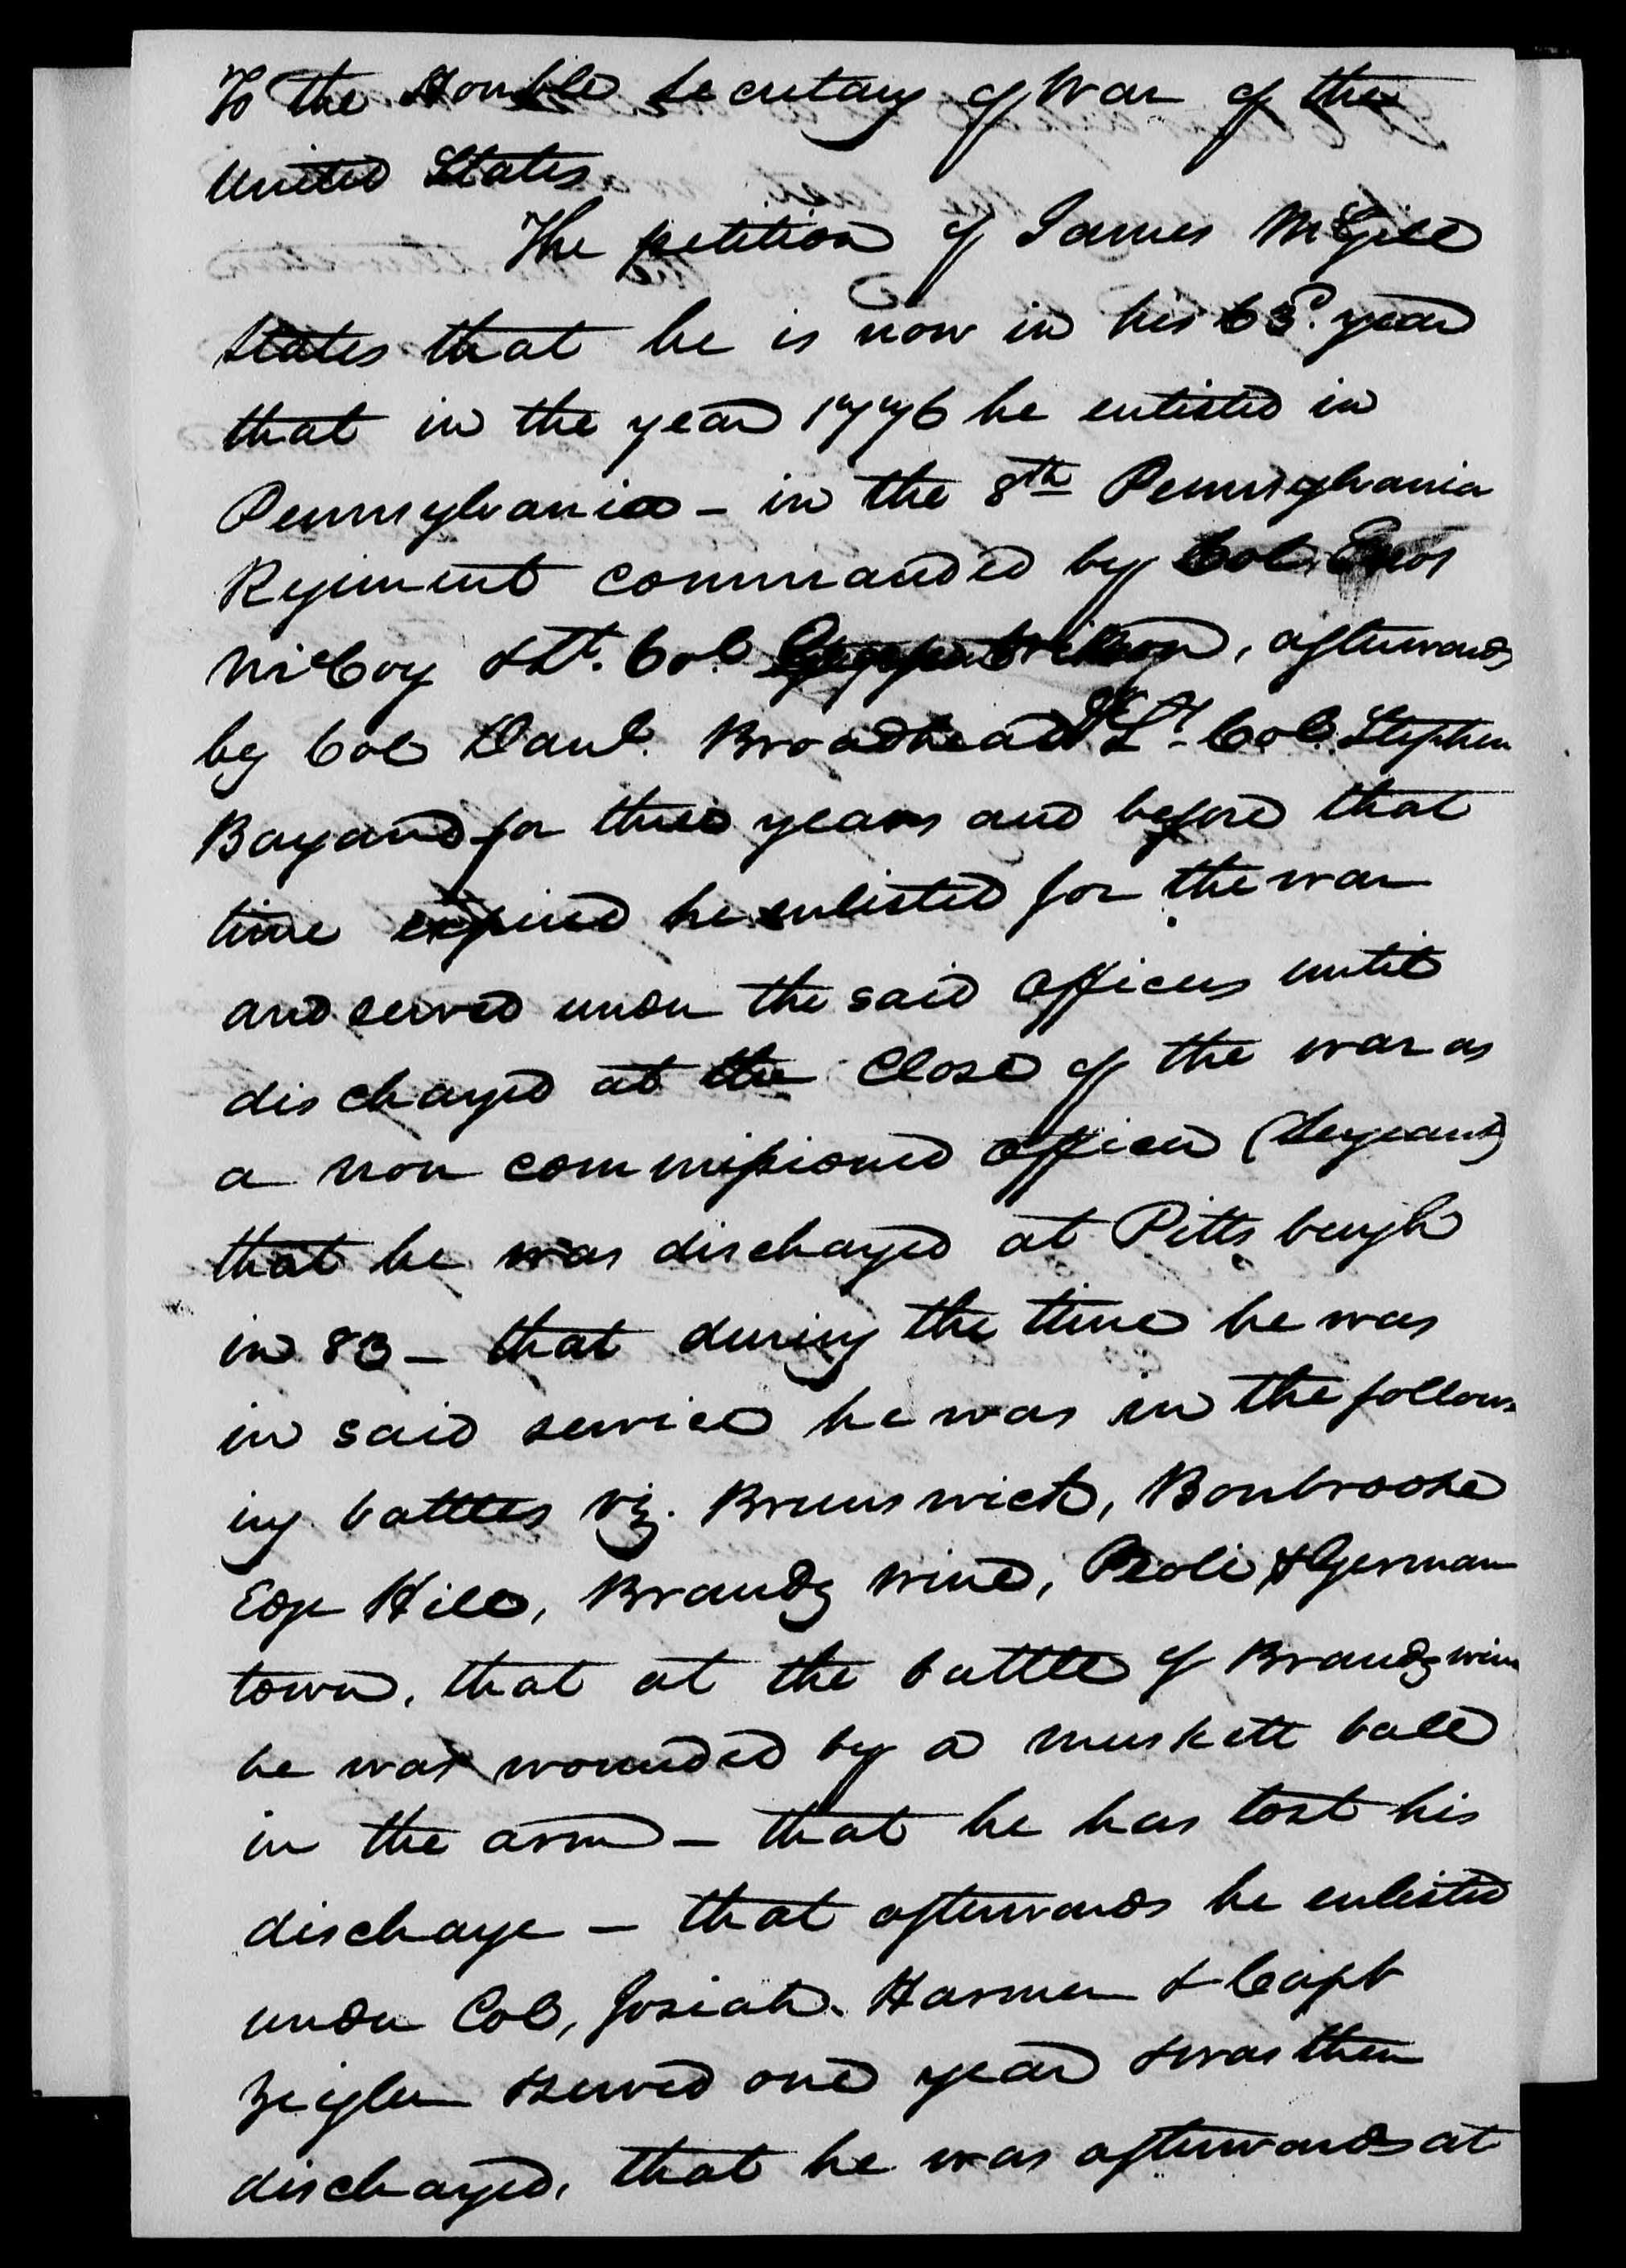Image 74   (# 4160873_00074)    
Fold3 File #23857241

To the Honorable Secretary of War of the United States.
The petition of James McGill states that he is now on his 63d year; that in the year 1776 he enlisted in Pennsylvania -- in the 8th Pennsylvania Regiment Commanded by Col Enos [Eneas] Mackay & Lt Col George Wilson, afterward by Col Danl Brodhead and Lt Col Stephen Bayard for three years and before that time expired he enlisted for the war and serve under the said offices until discharged at the close of the war as a non-commissioned officer (Sergeant) that he was discharged at Pittsburgh in '83--that during the time he was in said service he was in the following battles viz, Brunswick, Bound Brooke, Edge Hill, Brandywine, Paoli & Germantown, that at the battle of Brandywine he was wounded by a musket ball in the arm -- that he has lost his discharge--that afterwards he enlisted under Col Josiah Harmer & Capt Ziegler, served one year & was then discharged, that he was afterwards at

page: 17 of 71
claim: widow's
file: W. 8428, for James Mc Gill, Pennsylvania